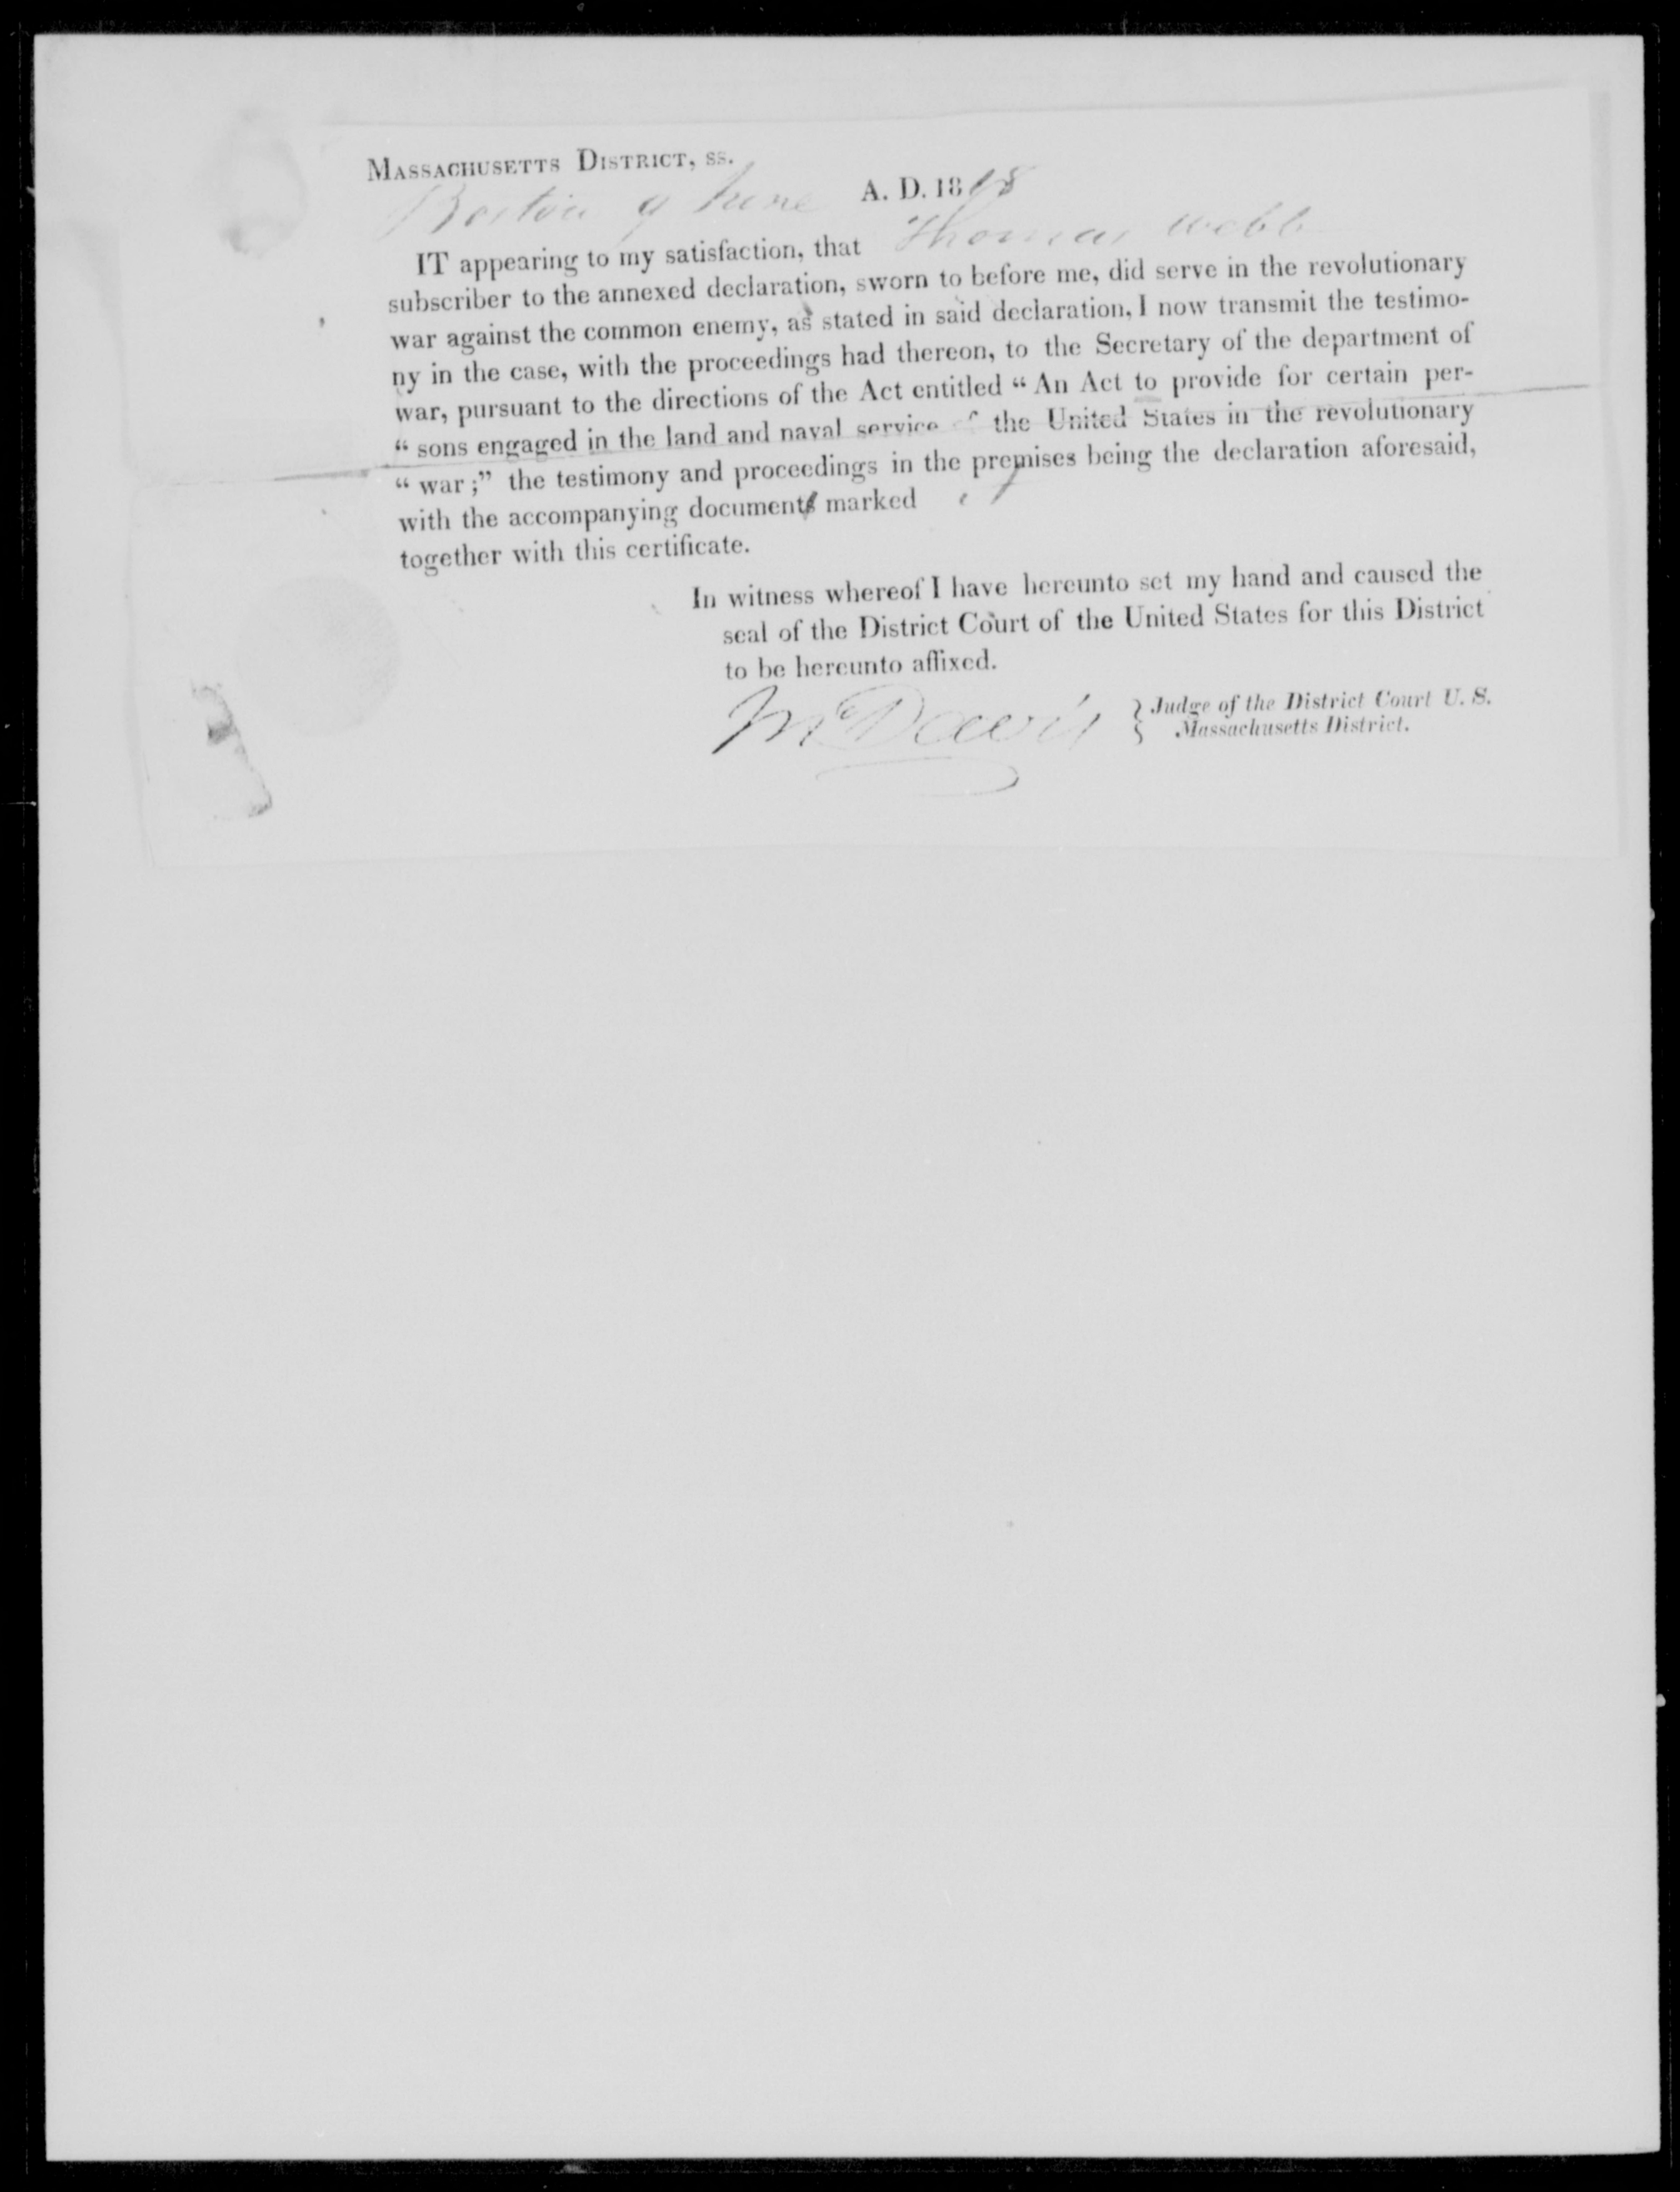Massachusetts District, SS
Boston 9 June A. D. 1818

It appearing to my satisfaction, that Thomas Webb, subscriber to the annexed declaration, sworn to before me, did serve in the revolutionary war against the common enemy, as stated in said declaration. I now transmit the testimony in the case, with the proceedings had thereon, to the Secretary of the department of war, pursuant to the directions of the Act entitled "an Act to provide for certain persons engaged in the land and naval service of the United States in the revolutionary war;" the testimony and proceedings in the premises being the declaration aforesaid, together with this certificate.
In witness whereof I have hereunto set my hand and caused the seal of the District Court of the United States for this District to be hereunto affixed.
Jno. Davis} Judge of the District Court U. S.. Massachusetts District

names: Jno Davis, Thomas Webb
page: 5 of 14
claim: survivor's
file: S. 33888, Thomas Webb, Mass.